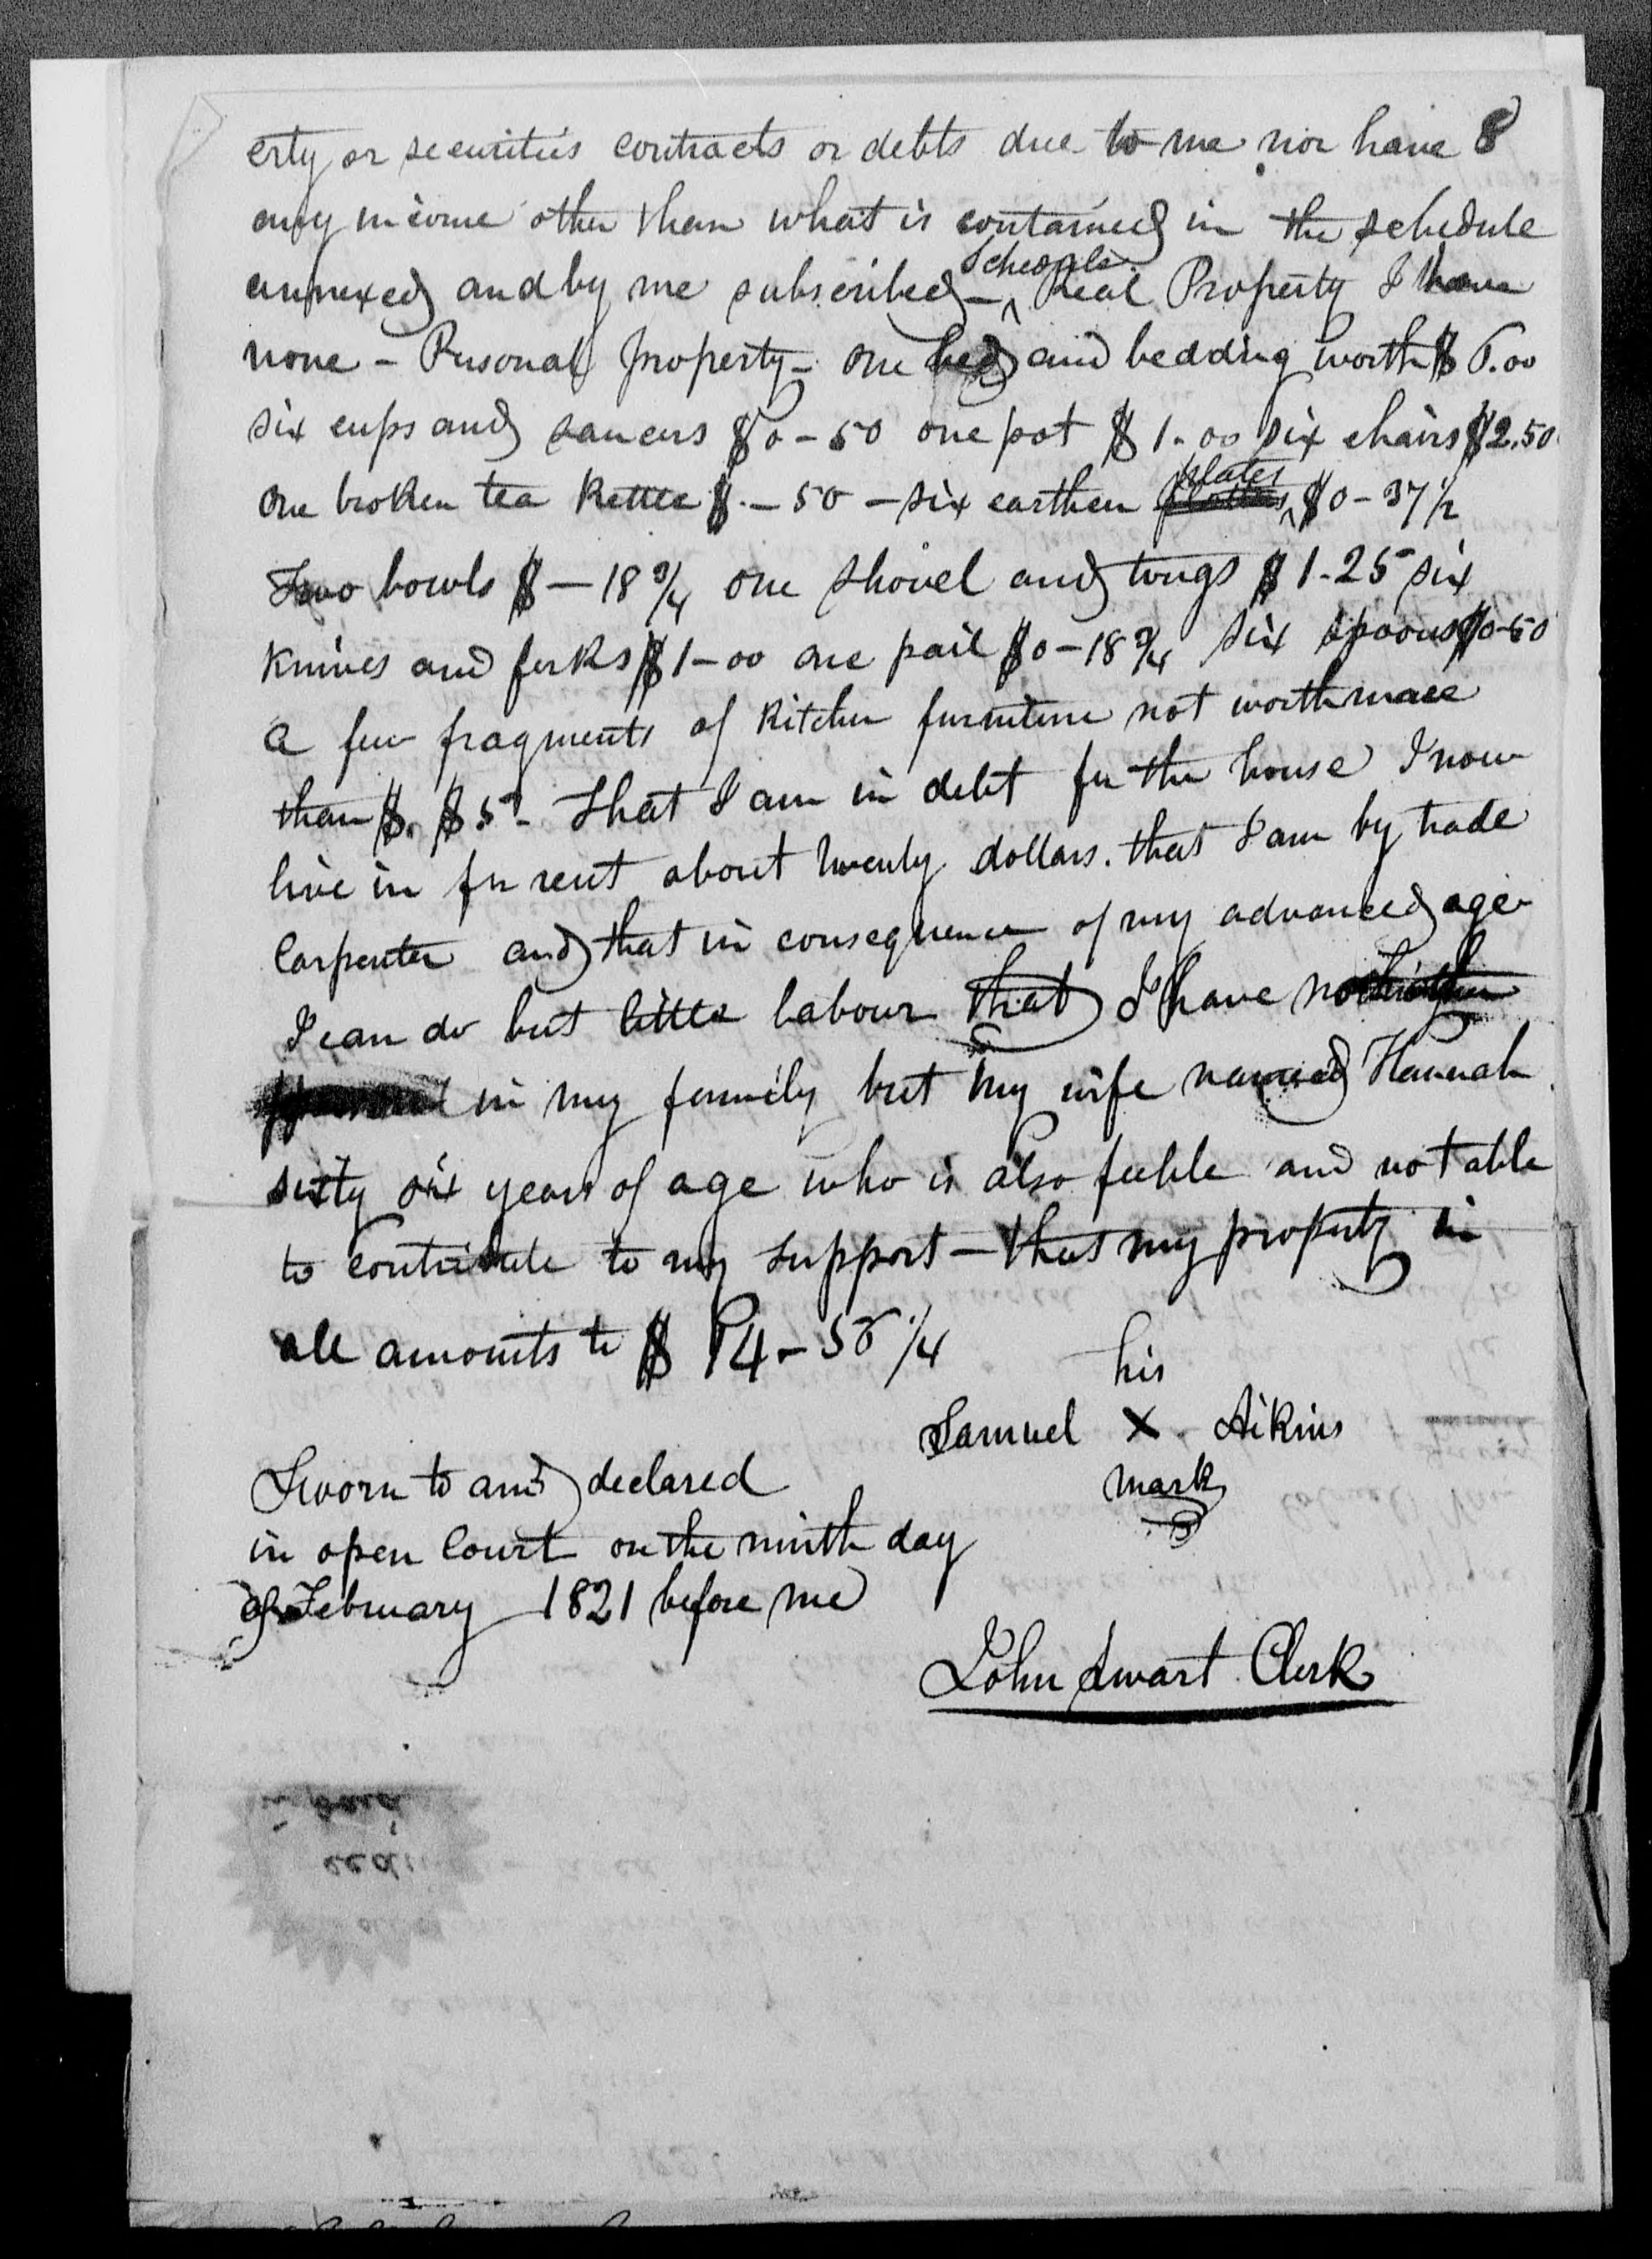[all handwritten] 
erty [property] or securities contracts or debts due to me nor have &
any income other than what is contained in the schedule
annexed and by me subscribed - ^Scheopils Real Property I have 
none - Personal property- one bed and bedding worth $6.00
six cups and saucers $0-50 one pot $1.00 six chairs $2.50
one broken tea kettle $.-50 - six earthen plates $0- 37 ½
Two bowls $-18 3/4 one shovel and tongs $1.25 six
knives and forks $1-00 one pail $0-18 3/4
Six Spoons $0-50
a few fragments of kitchen furniture not worth more than
$ $5- that I am in debt for the house, I now
live in for rent about twenty dollars. that I am by trade
Carpenter and that in consequence of my advanced age
I can do but little labour that I have not[illegible] 
[illegible] in my family but my wife named Hannah
sixty six years of age who is also feeble and not able
to contribute to my support -that my property in
all amounts to $14-56¼
Samuel X Aikins
his X mark [flourish]

Sworn to and declared
in open Court on the ninth day
of February 1821 before me
John Swart Clerk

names: Hannah, John Swart, Samuel Aikins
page: 5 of 9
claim: survivor's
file: S. 45181, Samuel Akins, New York